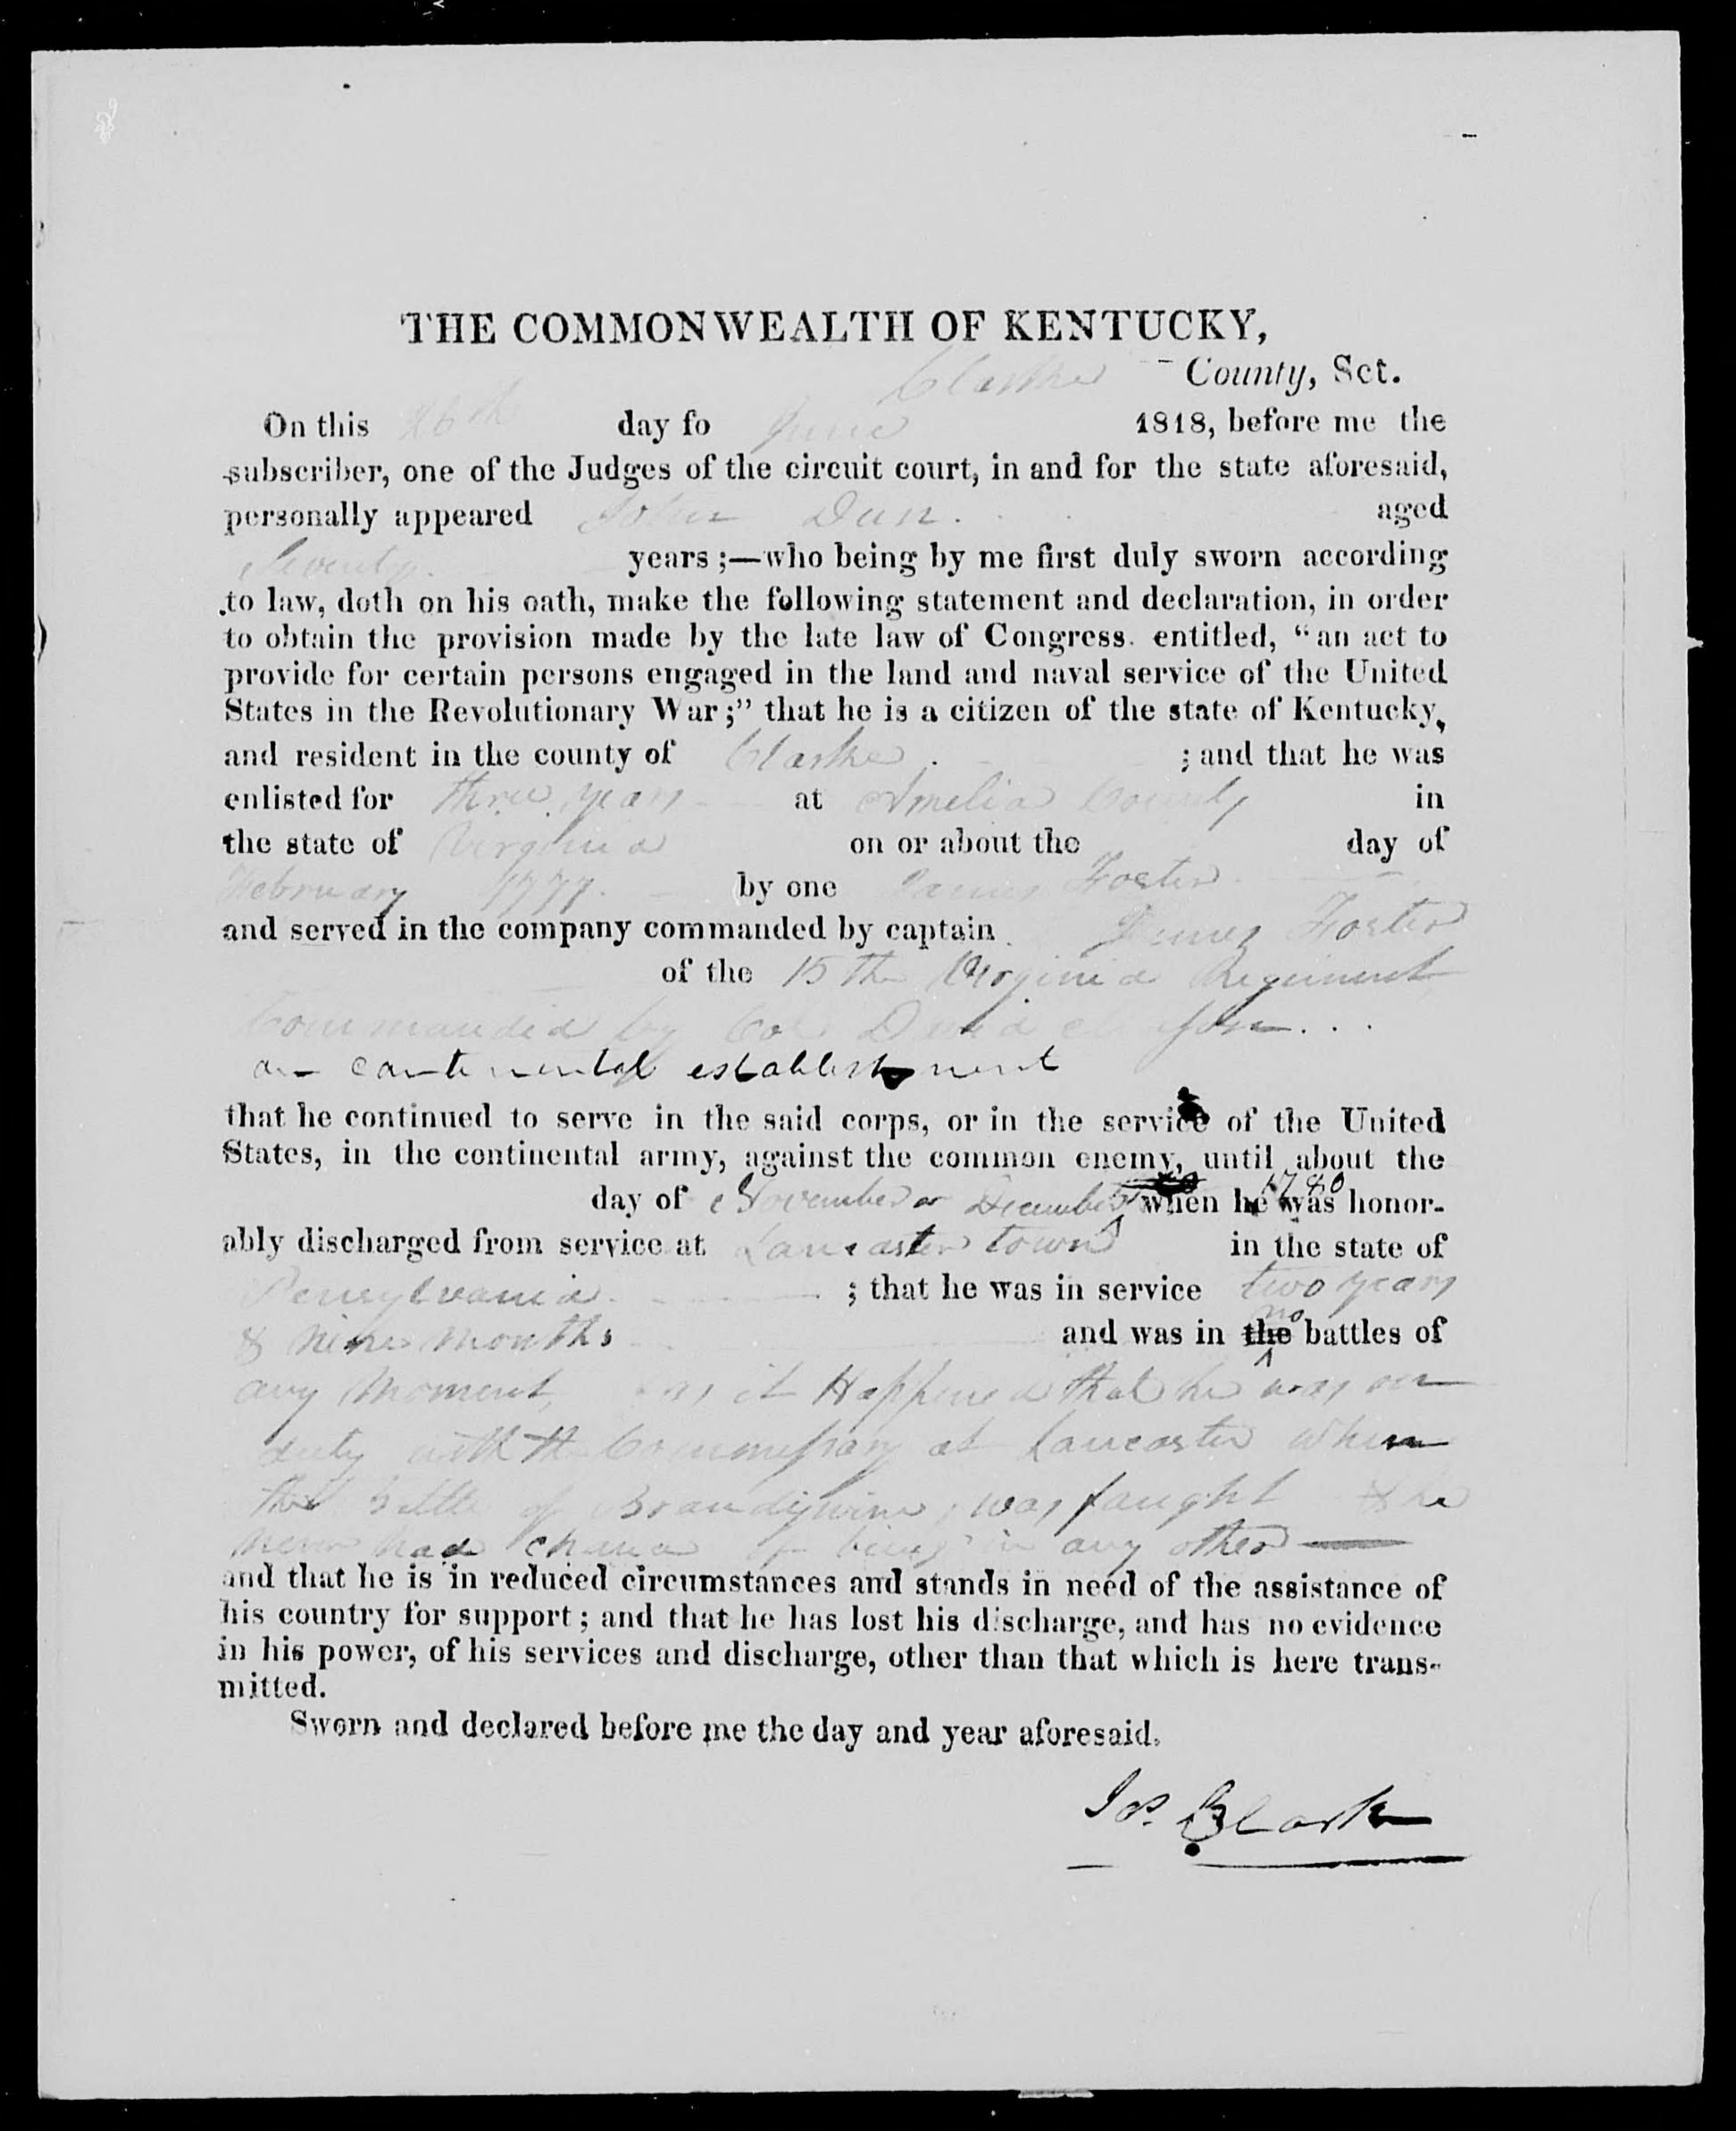THE COMMONWEALTH OF KENTUCKY,
of
Clarke
County, Sct.
On this 26th
day of June
1818, before me the
subscriber, one of the Judges of the circuit court, in and for the state aforesaid,
personally appeared in
John Dun
aged
seventy
years;--who being by me first duly sworn according to
law, doth on his oath, make the following statement and declaration, in order
to obtain the provision made by the late law of Congress, entitled, "an act to
provide for certain persons engaged in the land and naval service of the United States
in the Revolutionary War;" that he is a citizen of the state of Kentucky,
and resident in the county of
Clarke
enlisted for three years
and that he was
at Amelia County
in the state of Virginia 
on or about the ____ day of 
February
1777.
---
by one James Foster
day of
and served in the company commanded by captain, James Foster
of the 15th Virginia Regiment
commanded by Col. David [illegible]
an continental establishment
that he continued to serve in the said corps, or in the service of the United States, in the continental army, against the common enemy, until about the
day of November or December 1780 when he has honorably discharged from service at Lancaster town
in the state of
Pennsylvania
---
that he was in service two years
& nine months
any moment,
and was in no battles of
any moment, as it happened that he was on
duty with the Commissary at Lancaster when
the Battle of Brandywine was fought and
he never had chance of being in any other
and that he is in reduced circumstances and stands in need of the assistance of
his country for support; and that he has lost his discharge, and has no evidence
in his power, of his services and discharge, other than that which is here transmitted
.
Sworn and declared before me the day and year aforesaid,
Jos Clark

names: James Foster, John Dun, David, James Foster, Jos Clark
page: 5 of 23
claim: survivor's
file: S 35903, John Dunn, Va.